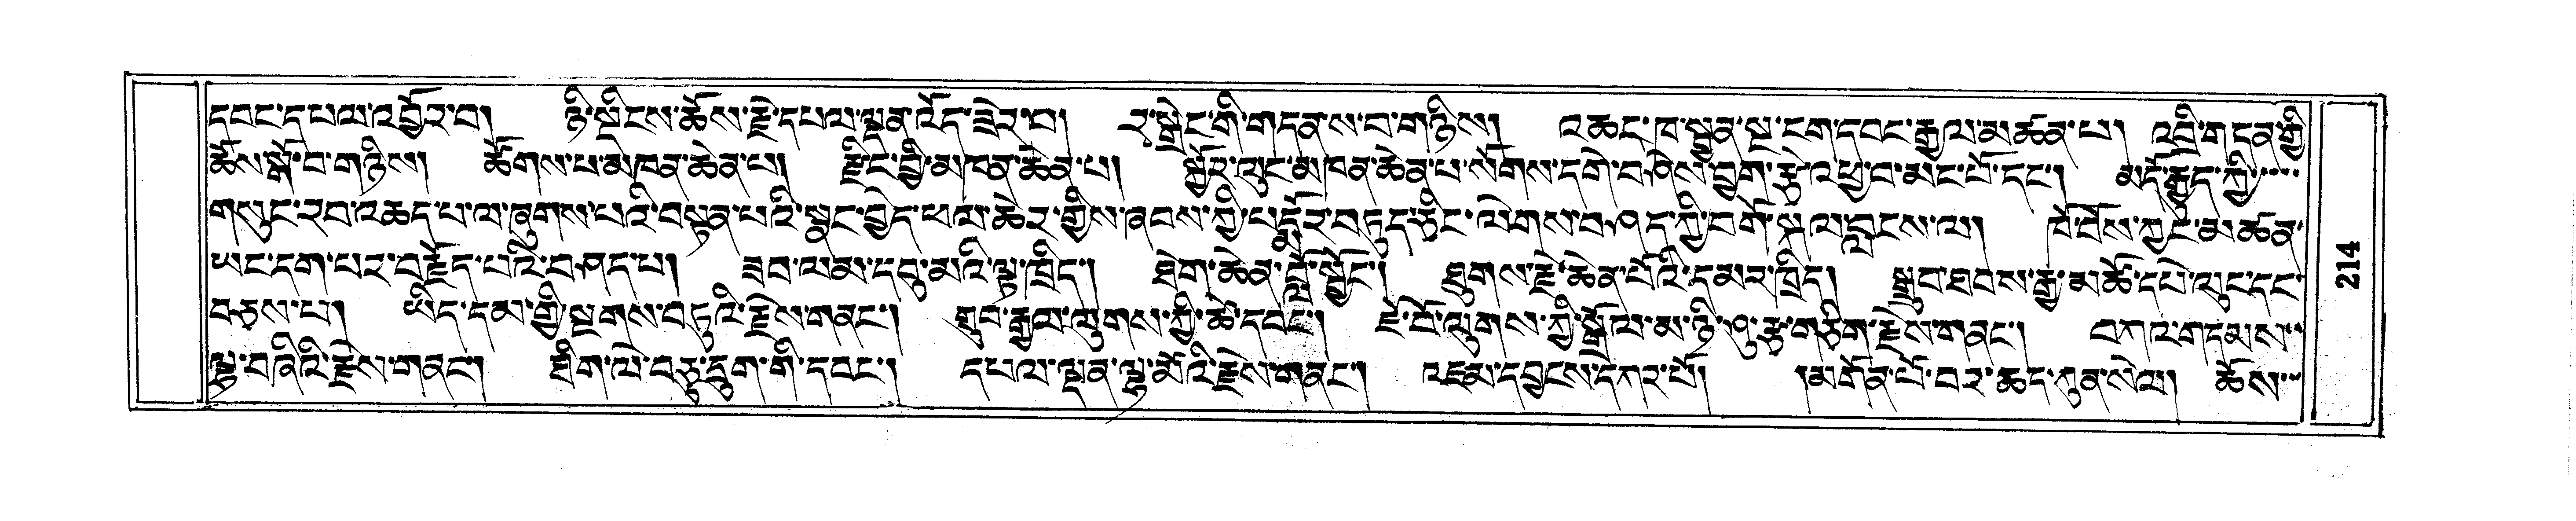དབང་དཔལ་འབྱོར་བ། ཉི་སྡིངས་ཆོས་རྗེ་དཔལ་ལྡན་འོད་ཟེར་བ། རྭ་སྒྲེང་གི་གདན་ས་བ་གཉིས། འཆང་ཁ་སྤྱན་སྔ་ངག་དབང་རྒྱལ་མཚན་པ། འབྲི་གདན་གྱི་
ཆོས་སྒོ་བ་གཉིས། ཚོགས་པ་མཁན་ཆེན་པ། རྫིང་བྱི་མཁན་ཆེན་པ། སྐྱོར་ལུང་མཁན་ཆེན་པ་སོགས་དགེ་བཤེས་བྱག་རྩེ་འཕྱ་བ་མང་པོ་དང་། མདོ་རྒྱུད་ཀྱི་
གསུང་རབ་འཆད་པ་ལ་ཞུགས་པའི་བསྟན་པའི་སྣང་བྱེད་ཕལ་ཆེར་གྱིས་ཞབས་ཀྱི་པདམོར་བཏུད་ཅིང་ལེགས་བཤད་ཀྱི་བགོ་སྐལ་བླངས་ལ། ཁོ་བོས་ཀྱང་མཚན་
ཡང་དག་པར་བརྗོད་པའི་བཤད་པ། ཟབ་ལམ་དབུ་མའི་ལྟ་ཁྲིད། ཐེག་ཆེན་བློ་སྦྱོང་། ཐུགས་རྗེ་ཆེན་པོའི་དམར་ཁྲིད། སྒྲུབ་ཐབས་རྒྱ་མཚོ་དཔེ་ལུང་དང་
བཅས་པ། ཡིད་དམ་གྱི་སྔགས་བཏུའི་རྗེས་གནང་། གྲུབ་རྒྱལ་ལུགས་ཀྱི་ཚེ་དབང་། ཇོ་བོ་ལུགས་ཀྱི་སྒྲོལ་མ་ཉི་ཤུ་རྩ་གཅིག་རྗེས་གནང་། བཀའ་གདམས་
ལྷ་བཞིའི་རྗེས་གནང་། ཐིག་ལེ་བཅུ་དྲུག་གི་དབང་། དཔལ་ལྡན་ལྷ་མོའི་རྗེས་གནང་། འཇམ་དབྱངས་དཀར་པོ། །མགོན་པོ་བར་ཆད་ཀུན་སེལ། ཆོས་